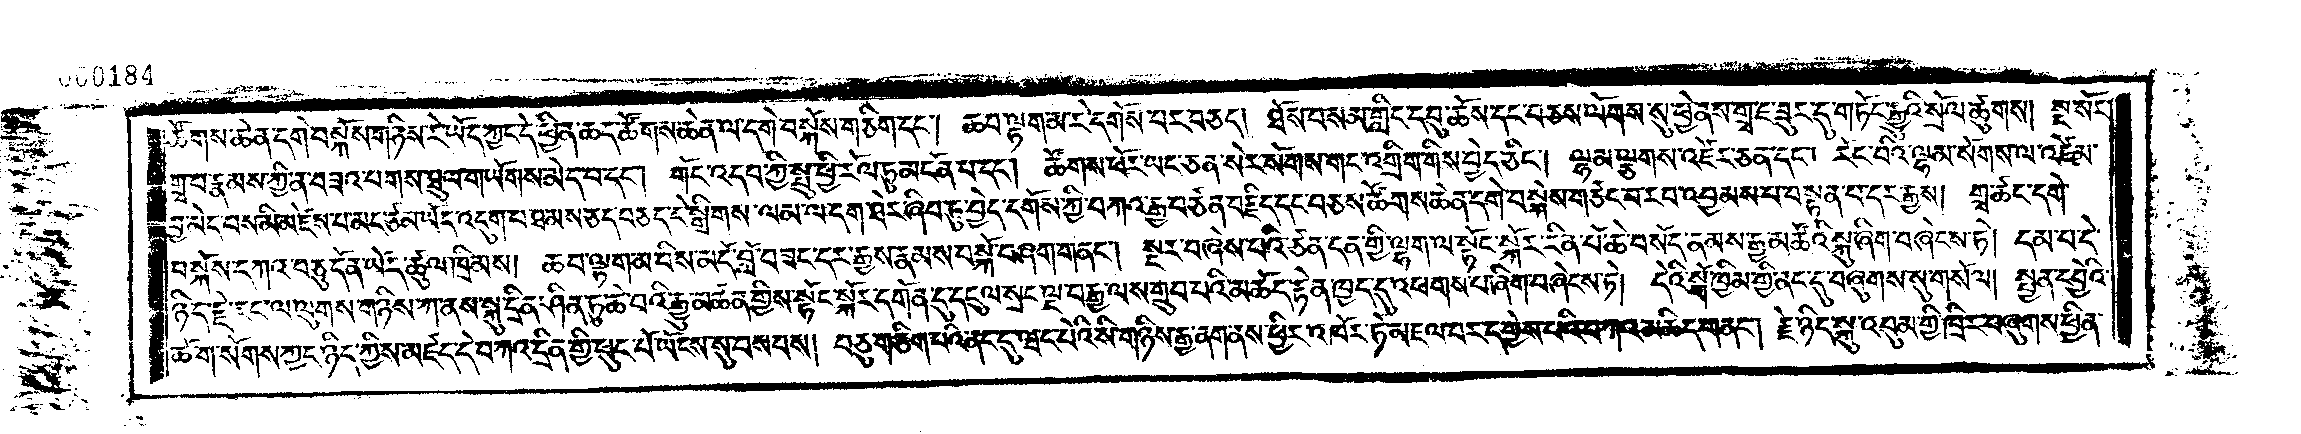ཚོགས་ཆེན་དགེ་བསྐོས་གཉིས་རེ་ཡོད་ཀྱང་དེ་ཕྱིན་ཆད་ཚོགས་ཆེན་ལ་དགེ་བསྐོས་གཅིག་དང་། ཆབ་ལྟག་མ་རེ་དགོས་པར་བཅད། ཐོས་བསམ་གླིང་དབུ་ཆོས་དང་བཅས་ལོགས་སུ་ཕྱེ་ནས་གྲྭ་ཇ་ཟུར་དུ་གཏོང་རྒྱུའི་སྲོལ་ཚུགས། སྔ་སོར་
གྲྭ་བ་རྣམས་ཀྱི་ན་བཟའ་བགས་ཐུལ་གཡོགས་མེད་བ་དང་། གོང་འདབ་ཀྱི་སྤུ་ཕྱི་རོལ་ཏུ་མངོན་པ་དང་། ཚོགས་ཕོར་ཡང་ཅན་སེར་སོགས་གང་འགྲིག་གིས་བྱེད་ཅིང་། ལྷམ་ལྕགས་འཛེར་ཅན་དང་། རོང་བའི་ལྷམ་སོགས་ལ་འཛེམ་
བྱ་མེད་པས་མི་མཛེས་པ་མང་ཙམ་ཡོད་འདུག་པ་ཐམས་ཅད་བཅད་དེ་སྒྲིགས་ལམ་ལ་དག་ཐེར་ཞིབ་ཏུ་བྱེད་དགོས་ཀྱི་བཀའ་རྒྱ་བཙན་བརྗིད་དང་བཅས་ཚོགས་ཆེན་དགེ་བསྐེས་གཙང་བ་རབ་འབྱམས་པ་བསྟན་པ་དར་རྒྱས། གྲྭ་ཚང་དགེ་
བསྐོས་དཀའ་བཅུ་དོན་ཡོད་ཚུལ་ཁྲིམས། ཆབ་ལྟག་མ་བིས་མདོ་བློ་བཟང་དར་རྒྱས་རྣམས་བསྐོ་བཞག་གནང་། སྔར་བཞེས་པའི་ཙན་དན་གྱི་ལྷག་ལ་སྟོང་སྐོར་རིན་པོ་ཆེ་བསོད་ནམས་རྒྱ་མཚོའི་སྐུ་ཞིག་བཞེངས་ཏེ། དམ་པ་དེ་
ཉིད་རྗེ་རང་ལ་ལུགས་གཉིས་ཀ་ནས་སྐུ་དྲིན་ཤིན་ཏུ་ཆེ་བའི་རྒྱུ་མཚན་གྱིས་སྟོང་སྐོར་དགོན་དུ་དངུལ་སྲང་ལྔ་བརྒྱ་ལས་གྲུབ་པའི་མཆོད་རྟེན་ཁྱད་དུ་འཕགས་པ་ཞིག་བཞེངས་ཏེ། དེའི་སྒོ་ཁྱིམ་གྱི་ནང་དུ་བཞུགས་སུ་གསོལ། སྤྱན་དབྱེའི་
ཆོ་ག་སོགས་ཀྱང་ཉིད་ཀྱིས་མཛད་དེ་བཀའ་དྲིན་གྱི་ཕུང་པོ་ཡོངས་སུ་བསབས། བཅུ་གཅིག་པའི་ནང་དུ་ཝང་པེའི་སི་གཉིས་རྒྱ་ནག་ནས་ཕྱིར་འཁོར་ཏེ་མཇལ་བར་དགྱེས་པའི་བཀའ་མཆིད་གནང་། རྗེ་ཉིད་སྐུ་འབུམ་གྱི་ཁྲིར་བཞུགས་ཕྱིན་